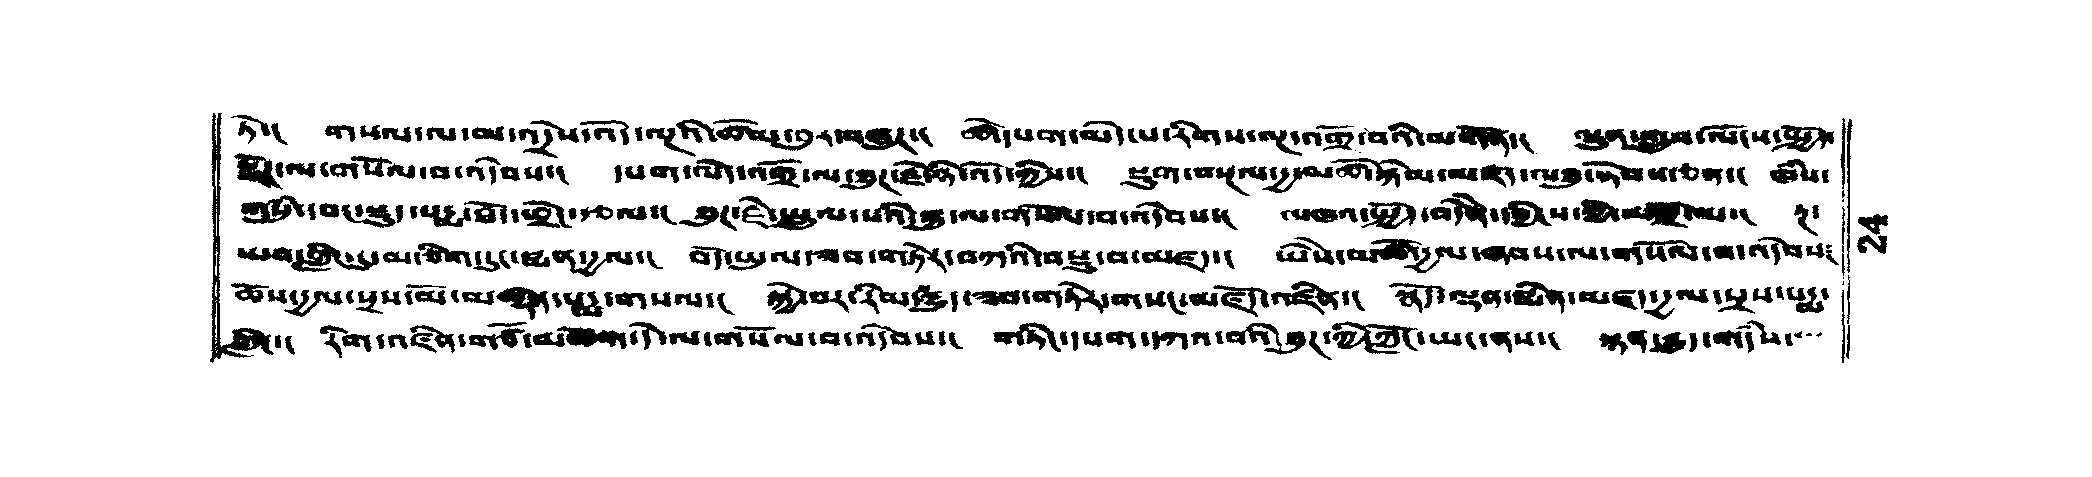ཏེ། གསལ་ལ་མ་འདྲེས་འོད་ལྔའི་ཚོམ་བུར་བཞུགས། །ཚེ་དཔག་མེད་པ་རིགས་ལྔ་འགྲོ་བའི་མགོན། །ལྷུན་གྲུབ་ལོངས་སྤྱོད་
རྫོགས་ལ་གསོལ་བ་འདེབས། །དཔག་མེད་འགྲོ་ལ་ཐུགས་རྗེ་ཉི་འོད་ཀྱིས། །སྡུག་བསྔལ་རྒྱ་མཚོ་སྐེམ་མཛད་མཐུ་སྟོབས་ཅན། །ཁམས་
གསུམ་དབང་སྡུད་པདྨ་ཐོད་ཕྲེང་རྩལ། །ཐུགས་རྗེ་སྤྲུལ་པའི་སྐུ་ལ་གསོལ་བ་འདེབས། །མཁའ་སྤྱོད་བདེ་ཆེན་དབྱིངས་ཀྱི་མཁའ་འགྲོ་ལ། །རྔ་
ཡབ་གླིང་དུ་མ་གཅིག་དུང་སྨན་རྒྱལ། །བོད་ཡུལ་ཟབ་གཏེར་བཀའ་ཡི་བསྡུ་བ་མཛད། །ཡེ་ཤེས་མཚོ་རྒྱལ་ཞབས་ལ་གསོལ་བ་འདེབས། །
ཆོས་རྒྱལ་སྲས་མོ་མཚན་ལྡན་པདྨ་གསལ། །སྐྱེ་བར་རིམ་བརྒྱུད་ཟབ་གཏེར་གསང་མཛོད་འཛིན། །སྣོད་ལྡན་སྨིན་མཛད་རྒྱལ་སྲས་པདྨ་
གླིང་། །རིག་འཛིན་གཙོ་མཆོག་དེ་ལ་གསོལ་བ་འདེབས། །གཏིང་དཔག་དཀའ་བའི་ཐུགས་ཀྱི་ཀློང་ཡངས་ནས། །སྙན་རྒྱུད་གདམས་